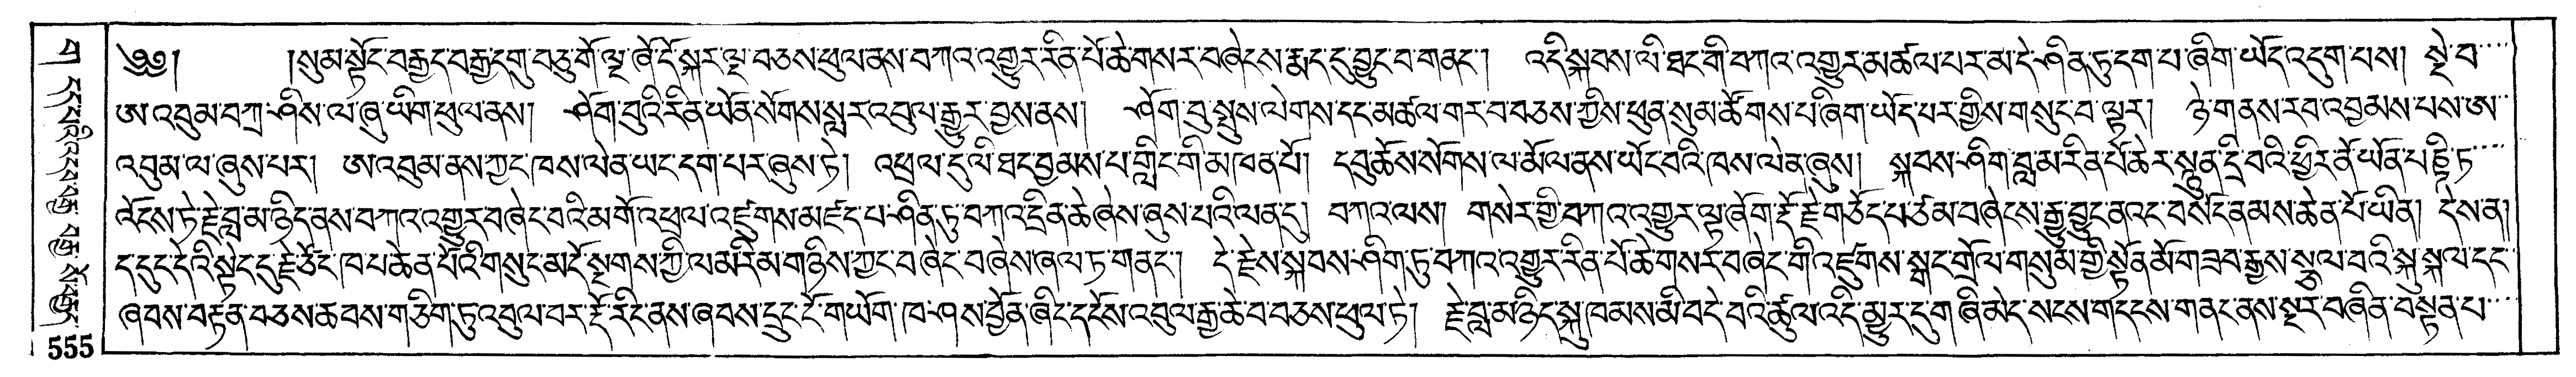༄༅། །སུམ་སྟོང་བརྒྱད་བརྒྱ་དགུ་བཅུ་གོ་ལྔ་ཞོ་དོ་སྐར་ལྔ་བཅས་ཕུལ་ནས་བཀའ་འགྱུར་རིན་པོ་ཆེ་གསར་བཞེངས་རྨད་དུ་བྱུང་བ་གནང་། འདི་སྐབས་ལི་ཐང་གི་བཀའ་འགྱུར་མཚལ་པར་མ་དེ་ཤིན་ཏུ་དག་པ་ཞིག་ཡོད་འདུག་པས། སྡེ་པ་
ཨ་འབུམ་བཀྲ་ཤིས་ལ་ཞུ་ཡིག་ཕུལ་ནས། ཤོག་བུའི་རིན་ཡོན་སོགས་སླར་འབུལ་རྒྱུར་བྱས་ནས། ཤོག་བུའི་སྤུས་ལེགས་དང་མཚལ་གར་བ་བཅས་ཀྱིས་ཕུན་སུམ་ཚོགས་པ་ཞིག་ཡོང་བར་གྱིས་གསུང་བ་ལྟར། ཉེ་གནས་རབ་འབྱམས་པས་ཨ་
འབུམ་ལ་ཞུས་པར། ཨ་འབུམ་ནས་ཀྱང་ཁས་ལེན་ཡང་དག་པར་ཞུས་ཏེ། འཕྲལ་དུ་ལི་ཐང་བྱམས་པ་གླིང་གི་མཁན་པོ། དབུ་ཆོས་སོགས་ལ་མོལ་ནས་ཡོང་བའི་ཁས་ལེན་ཞུས། སྐབས་ཤིག་བླ་མ་རིན་པོ་ཆེར་སྙུན་དྲི་བའི་ཕྱིར་ནོ་ཡོན་པཎྜི་ཏ་
འོངས་ཏེ་རྗེ་བླ་མ་ཉིད་ནས་བཀའ་འགྱུར་བཞེང་བའི་མགོ་འཕྲལ་འཛུགས་མཛད་པ་ཤིན་ཏུ་བཀའ་དྲིན་ཆེ་ཞེས་ཞུས་པའི་ལན་དུ། བཀའ་ལས། གསེར་གྱི་བཀའ་འགྱུར་ལྟ་ཞོག་རྡོ་རྗེ་གཅོད་པ་ཙམ་བཞེངས་རྒྱུ་བྱུང་ནའང་བསོད་ནམས་ཆེན་པོ་ཡིན། དེས་ན།
ད་དུང་དེའི་སྟེང་དུ་རྗེ་ཙོང་ཁ་པ་ཆེན་པོའི་གསུང་མདོ་སྔགས་ཀྱི་ལམ་རིམ་གཉིས་ཀྱང་བཞེང་བཞེས་ཞལ་ཏ་གནང་། དེ་རྗེས་སྐབས་ཤིག་ཏུ་བཀའ་འགྱུར་རིན་པོ་ཆེ་གསར་བཞེང་གི་འཛུགས་སྒང་གྲོལ་གསུམ་གྱི་སྟོན་མོ་གཟབ་རྒྱས་སྩལ་བའི་སྐུ་སྐལ་དང་
ཞབས་བརྟན་བཅས་ཆབས་གཅིག་ཏུ་འབུལ་བར་རྡོ་རིང་ནས་ཞབས་དྲུང་ངོ་གཡོག་ཁ་ཤས་བྱོན་ཞིང་དངོས་འབུལ་རྒྱ་ཆེ་བ་བཅས་ཕུལ་ཏེ། རྗེ་བླ་མ་ཉིད་སྐུ་ཁམས་མི་བདེ་བའི་ཚུལ་འདི་མྱུར་དུ་གཞི་མེད་སངས་གདངས་གནང་ནས་སྔར་བཞིན་བསྟན་པ་